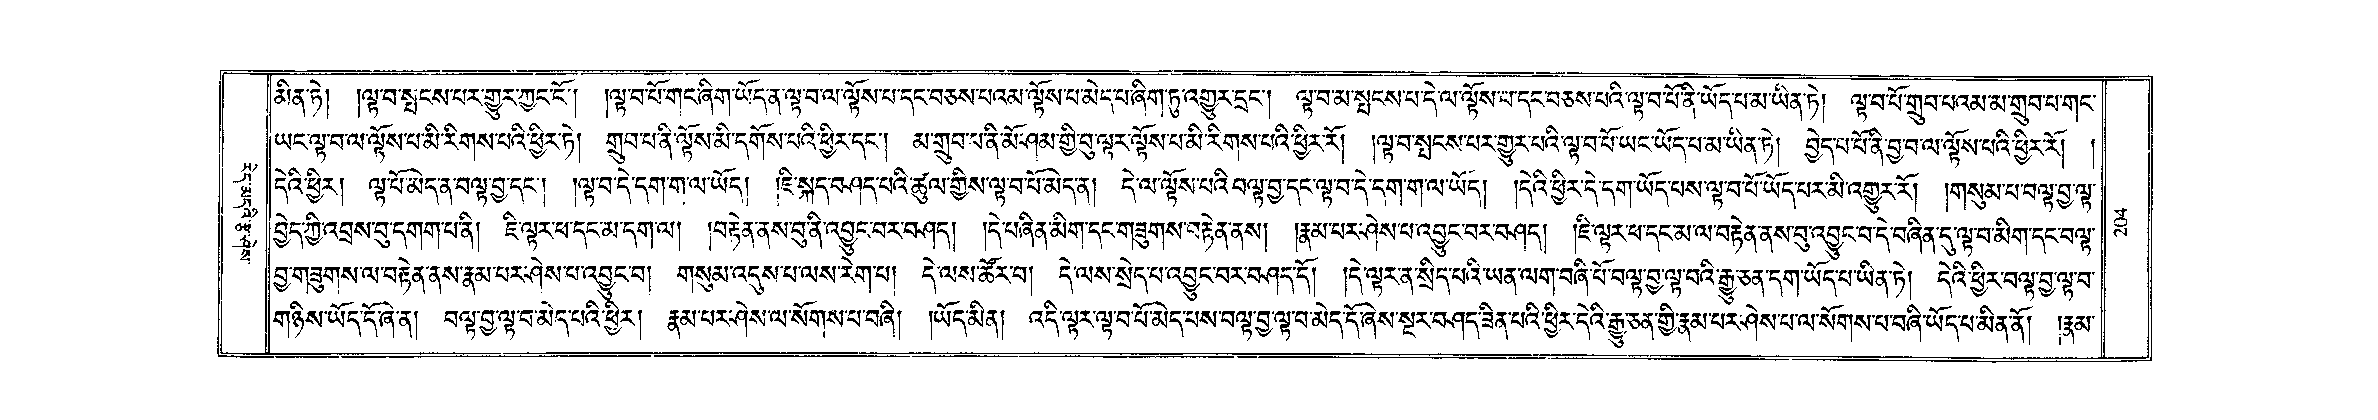མིན་ཏེ། །ལྟ་བ་སྤངས་པར་གྱུར་ཀྱང་ངོ། །ལྟ་བ་པོ་གང་ཞིག་ཡོད་ན་ལྟ་བ་ལ་ལྟོས་པ་དང་བཅས་པའམ་ལྟོས་པ་མེད་པ་ཞིག་ཏུ་འགྱུར་དྲང་། ལྟ་བ་མ་སྤངས་པ་དེ་ལ་ལྟོས་པ་དང་བཅས་པའི་ལྟ་བ་པོ་ནི་ཡོད་པ་མ་ཡིན་ཏེ། ལྟ་བ་པོ་གྲུབ་པའམ་མ་གྲུབ་པ་གང་
ཡང་ལྟ་བ་ལ་ལྟོས་པ་མི་རིགས་པའི་ཕྱིར་ཏེ། གྲུབ་པ་ནི་ལྟོས་མི་དགོས་པའི་ཕྱིར་དང་། མ་གྲུབ་པ་ནི་མོ་ཤམ་གྱི་བུ་ལྟར་ལྟོས་པ་མི་རིགས་པའི་ཕྱིར་རོ། །ལྟ་བ་སྤངས་པར་གྱུར་པའི་ལྟ་བ་པོ་ཡང་ཡོད་པ་མ་ཡིན་ཏེ། བྱེད་པ་པོ་ནི་བྱ་བ་ལ་ལྟོས་པའི་ཕྱིར་རོ། །
དེའི་ཕྱིར། ལྟ་པོ་མེད་ན་བལྟ་བྱ་དང་། །ལྟ་བ་དེ་དག་ག་ལ་ཡོད། །ཇི་སྐད་བཤད་པའི་ཚུལ་གྱིས་ལྟ་བ་པོ་མེད་ན། དེ་ལ་ལྟོས་པའི་བལྟ་བྱ་དང་ལྟ་བ་དེ་དག་ག་ལ་ཡོད། །དེའི་ཕྱིར་དེ་དག་ཡོད་པས་ལྟ་བ་པོ་ཡོད་པར་མི་འགྱུར་རོ། །གསུམ་པ་བལྟ་བྱ་ལྟ་
བྱེད་ཀྱི་འབྲས་བུ་དགག་པ་ནི། ཇི་ལྟར་ཕ་དང་མ་དག་ལ། །བརྟེན་ནས་བུ་ནི་འབྱུང་བར་བཤད། །དེ་བཞིན་མིག་དང་གཟུགས་བརྟེན་ནས། །རྣམ་པར་ཤེས་པ་འབྱུང་བར་བཤད། །ཇི་ལྟར་ཕ་དང་མ་ལ་བརྟེན་ནས་བུ་འབྱུང་བ་དེ་བཞིན་དུ་ལྟ་བ་མིག་དང་བལྟ་
བྱ་གཟུགས་ལ་བརྟེན་ནས་རྣམ་པར་ཤེས་པ་འབྱུང་བ། གསུམ་འདུས་པ་ལས་རེག་པ། དེ་ལས་ཚོར་བ། དེ་ལས་སྲེད་པ་འབྱུང་བར་བཤད་དོ། །དེ་ལྟར་ན་སྲིད་པའི་ཡན་ལག་བཞི་པོ་བལྟ་བྱ་ལྟ་བའི་རྒྱུ་ཅན་དག་ཡོད་པ་ཡིན་ཏེ། དེའི་ཕྱིར་བལྟ་བྱ་ལྟ་བ་
གཉིས་ཡོད་དོ་ཞེ་ན། བལྟ་བྱ་ལྟ་བ་མེད་པའི་ཕྱིར། རྣམ་པར་ཤེས་ལ་སོགས་པ་བཞི། །ཡོད་མིན། འདི་ལྟར་ལྟ་བ་པོ་མེད་པས་བལྟ་བྱ་ལྟ་བ་མེད་དོ་ཞེས་སྔར་བཤད་ཟིན་པའི་ཕྱིར་དེའི་རྒྱུ་ཅན་གྱི་རྣམ་པར་ཤེས་པ་ལ་སོགས་པ་བཞི་ཡོད་པ་མིན་ནོ། །རྣམ་